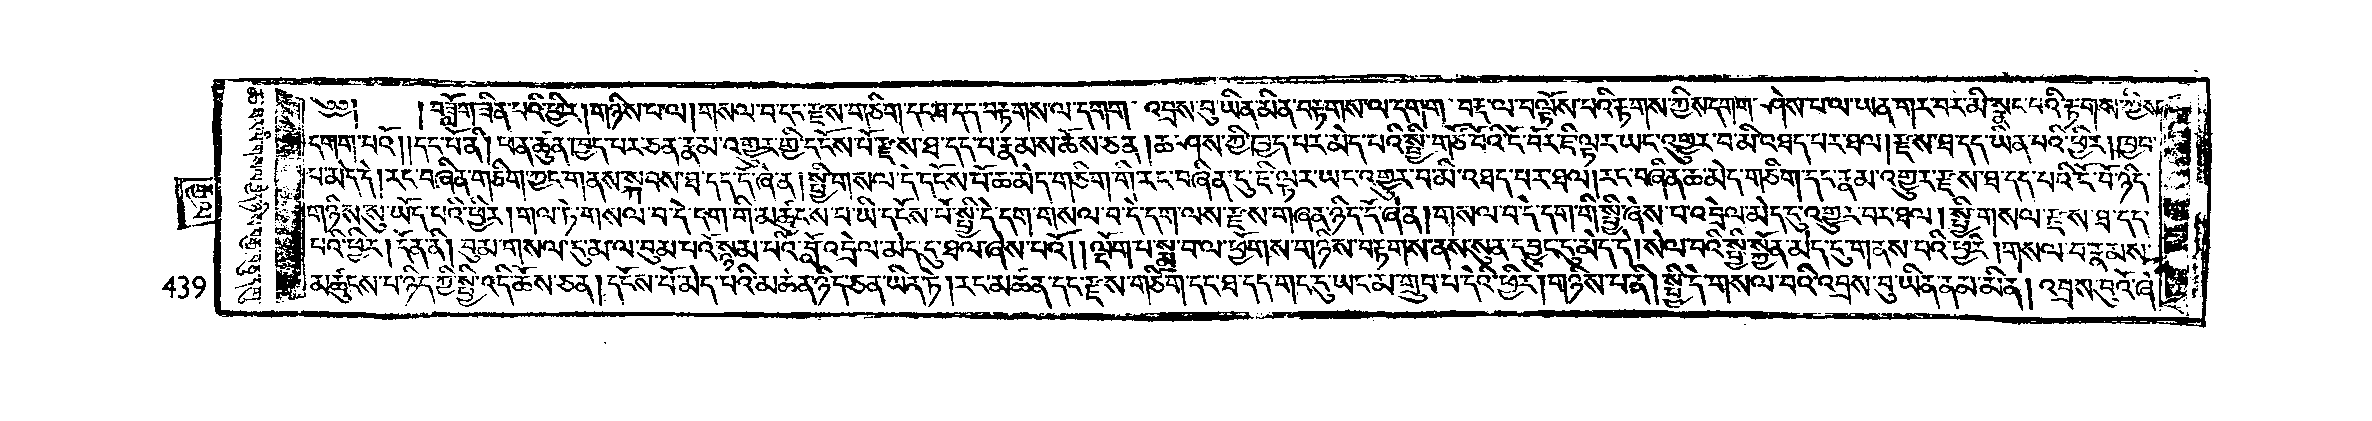༄༅། །བཟློག་ཟིན་པའི་ཕྱིར། གཉིས་པ་ལ། གསལ་བ་དང་རྫས་གཅིག་དང་ཐ་དད་བརྟགས་ལ་དགག་འབྲས་བུ་ཡིན་མིན་བརྟགས་ལ་དགག་བརྡ་ལ་བལྟོས་པའི་རྟགས་ཀྱིས་དགག་ཤེས་པ་ལ་ཡན་གར་བར་མི་སྣང་བའི་རྟགས་ཀྱིས་
དགག་པའོ། །དང་པོ་ནི། ཕན་ཚུན་ཁྱད་པར་ཅན་རྣམ་འགྱུར་གྱི་དངོས་པོ་རྫས་ཐ་དད་པ་རྣམས་ཆོས་ཅན། ཆ་ཤས་ཀྱི་ཁྱད་པར་མེད་པའི་སྤྱི་གཙོ་བོའི་ངོ་བོར་ཇི་ལྟར་ཡང་འགྱུར་བ་མི་འཐད་པར་ཐལ། རྫས་ཐ་དད་ཡིན་པའི་ཕྱིར། ཁྱབ་
པར་མེད་དེ། རང་བཞིན་གཅིག་ཀྱང་གནས་སྐབས་ཐ་དད་དོ་ཞེ་ན་སྤྱི་གསལ་དེ་དངོས་པོ་ཆ་མེད་གཅིག་གི་རང་བཞིན་དུ་ཇི་ལྟར་ཡང་འགྱུར་བ་མི་འཐད་པར་ཐལ། རང་བཞིན་ཆ་མེད་གཅིག་དང་རྣམ་འགྱུར་རྫས་ཐ་དད་པའི་ངོ་བོ་ཉིད་
གཉིས་སུ་ཡོད་པའི་ཕྱིར། གལ་ཏེ་གསལ་བ་དེ་དག་གི་མཚུངས་པ་ཡི་དངོས་པོ་སྤྱི་དེ་དག་གསལ་བ་དེ་དག་ལས་རྫས་གཞན་ཉིད་དོ་ཞེ་ན། གསལ་བ་དེ་དག་གི་སྤྱི་ཞེས་པ་འབྲེལ་མེད་དུ་འགྱུར་བར་ཐལ། སྤྱི་གསལ་རྫས་ཐ་དད་
པའི་ཕྱིར། དོན་ནི། བུམ་གསལ་དུ་མ་ལ་བུམ་པའོ་སྙམ་པའི་བློ་འབྲེལ་མེད་དུ་ཐལ་ཞེས་པའོ། །ལྡོག་པ་སྨྲ་བ་ལ་ཕྱོགས་གཉིས་བརྟགས་ནས་སུན་དབྱུང་དུ་མེད་དེ། སེལ་བའི་སྤྱི་སྐྱོན་མེད་དུ་གནས་པའི་ཕྱིར། གསལ་བ་རྣམས་
མཚུངས་པ་ཉིད་ཀྱི་སྤྱི་འདི་ཆོས་ཅན། དངོས་པོ་མེད་པའི་མཚན་ཉིད་ཅན་ཡིན་ཏེ། རང་མཚན་དང་རྫས་གཅིག་དང་ཐ་དད་གང་དུ་ཡང་མ་གྲུབ་པ་དེའི་ཕྱིར། གཉིས་པ་ནི། སྤྱི་དེ་གསལ་བའི་འབྲས་བུ་ཡིན་ནམ་མིན། འབྲས་བུའོ་ཞེ་